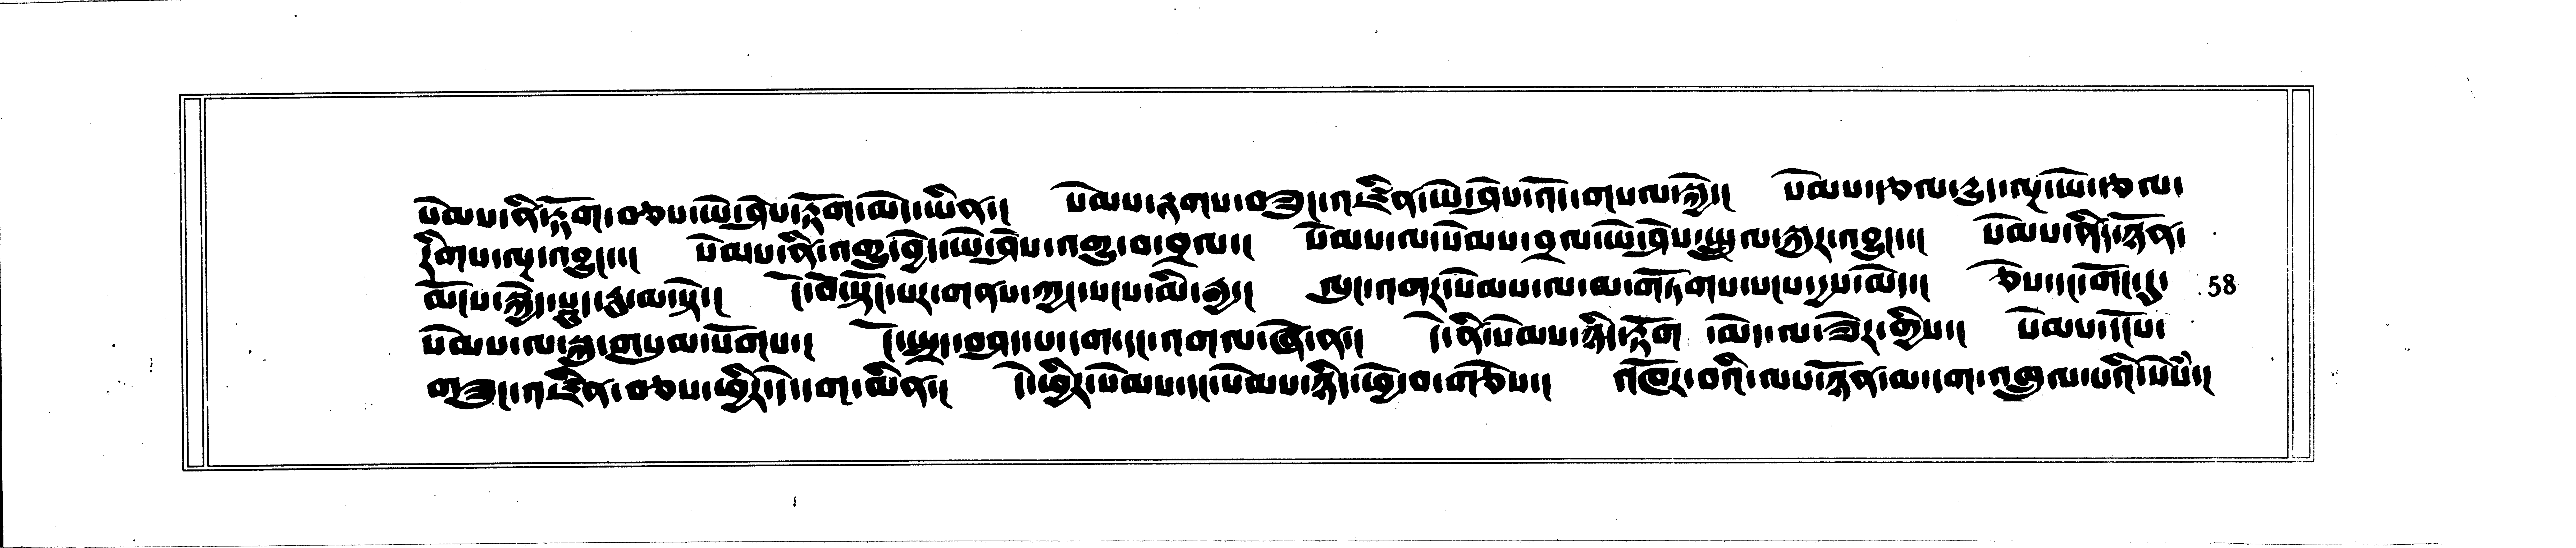སེམས་ནི་རྟོག་བཅས་ཡེ་ཤེས་རྟོག་མེད་ཡིན། །སེམས་རྟགས་གཟུང་འཛིན་ཡེ་ཤེས་འོད་གསལ་སྐྱེ། །སེམས་རྩལ་རྒྱུད་ལྔ་ཡེ་རྩལ་
རིགས་ལྔ་འབྱུང་། །སེམས་ནི་འགྱུ་བྱེད་ཡེ་ཤེས་འགྱུ་བ་བྲལ། །སེམས་ལ་སེམས་བྲལ་ཡེ་ཤེས་སྤྲུལ་སྐུར་འབྱུང་། །སེམས་ཉིད་ཉོན་
མོངས་སྐྱེ་སྡུད་རུ་མ་སྟེ། །ངོ་བོ་སྟོང་པར་གནས་ཀྱང་སངས་མི་རྒྱ། །ལུང་འགར་སེམས་ལས་མ་གཏོགས་སངས་རྒྱས་མེད། །ཅེས་དང་གོང་དུ་
སེམས་ལ་སྐུ་གསུམ་སོགས། །ངོ་སྤྲད་བཤད་པ་དག་དང་འགལ་ཞེ་ན། །དེ་ནི་སེམས་ཉིད་རྟོག་མེད་ལ་ཟེར་གྱིས། །སེམས་དངོས་
གཟུང་འཛིན་བཅས་ཕྱིར་དེ་དག་མིན། །དེ་ཕྱིར་སེམས་དང་སེམས་ཉིད་ཕྱེུ་བ་གཅེས། །འཁོར་བའི་ལས་ཉོན་མ་དག་འཁྲུལ་པའི་སེམས། །